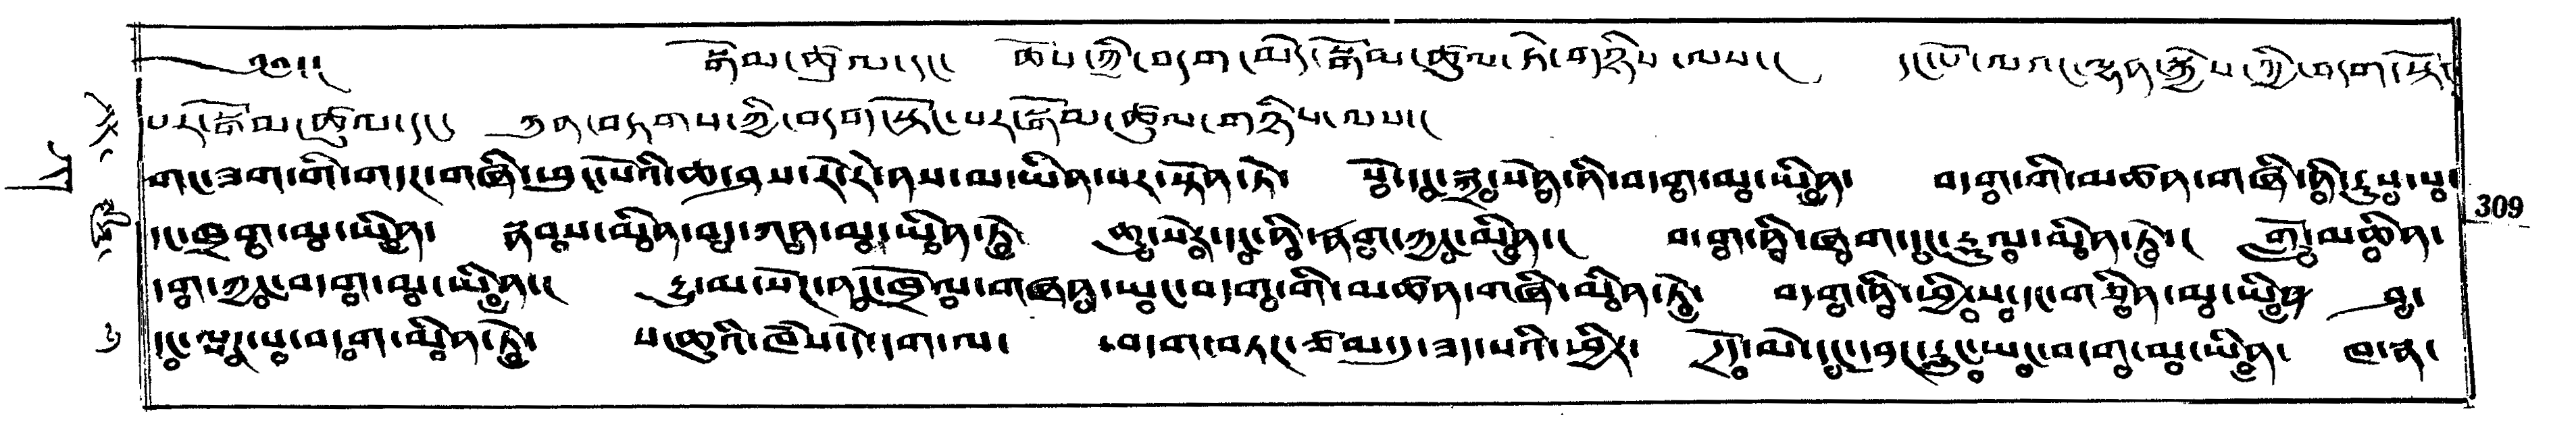སྒོམ་ཚུལ་དང་། ཆོས་ཀྱི་བདག་མེད་སྒོམ་ཚུལ་ཏེ་གཉིས་ལས། དང་པོ་ལའང་ལྷན་སྐྱེས་ཀྱི་བདག་སྟོང་པར་སྒོམ་ཚུལ་དང་། ཀུན་བཏགས་ཀྱི་བདག་སྟོང་

པར་སྒོམ་ཚུལ་གཉིས་ལས། དང་པོ་ནི། གང་ཟག་གི་གདགས་གཞི་ཕུང་པོའི་ཆ་ཤས་རེ་རེ་ནས་མ་ཡིན་པར་སྟོན་ཏེ། སོ་དང་སྐྲ་སེན་ནི་བདག་མ་ཡིན། བདག་གི་མཚན་གཞི་ནི་རུས་པ་
དང་ཁྲག་མ་ཡིན། སྣབས་མིན་བད་ཀན་མ་ཡིན་ཏེ། ཆུ་སེར་དང་ནི་རྣག་ཀྱང་མིན། བདག་ནི་ཞག་དང་རྡུལ་མིན་ཏེ།གློ་མཆིན་
དག་ཀྱང་བདག་མ་ཡིན། རྒྱུ་མ་སོགས་ནང་ཁྲོལ་གཞན་ཡང་བདག་གི་མཚན་གཞི་མིན་ཏེ། བདག་ནི་ཕྱི་ས་དང་གཅིན་མ་ཡིན། ཤ་
དང་ལྤགས་པ་བདག་མིན་ཏེ། ས་ཆུའི་ཁམས་དེ་དག་ལ་བདག་བཏགས་ཙམ་དུ་ཟད་པའི་ཕྱིར། དྲོད་མེ་དང་དབུགས་རླུང་ཡང་བདག་མ་ཡིན། ཁ་སྣ་